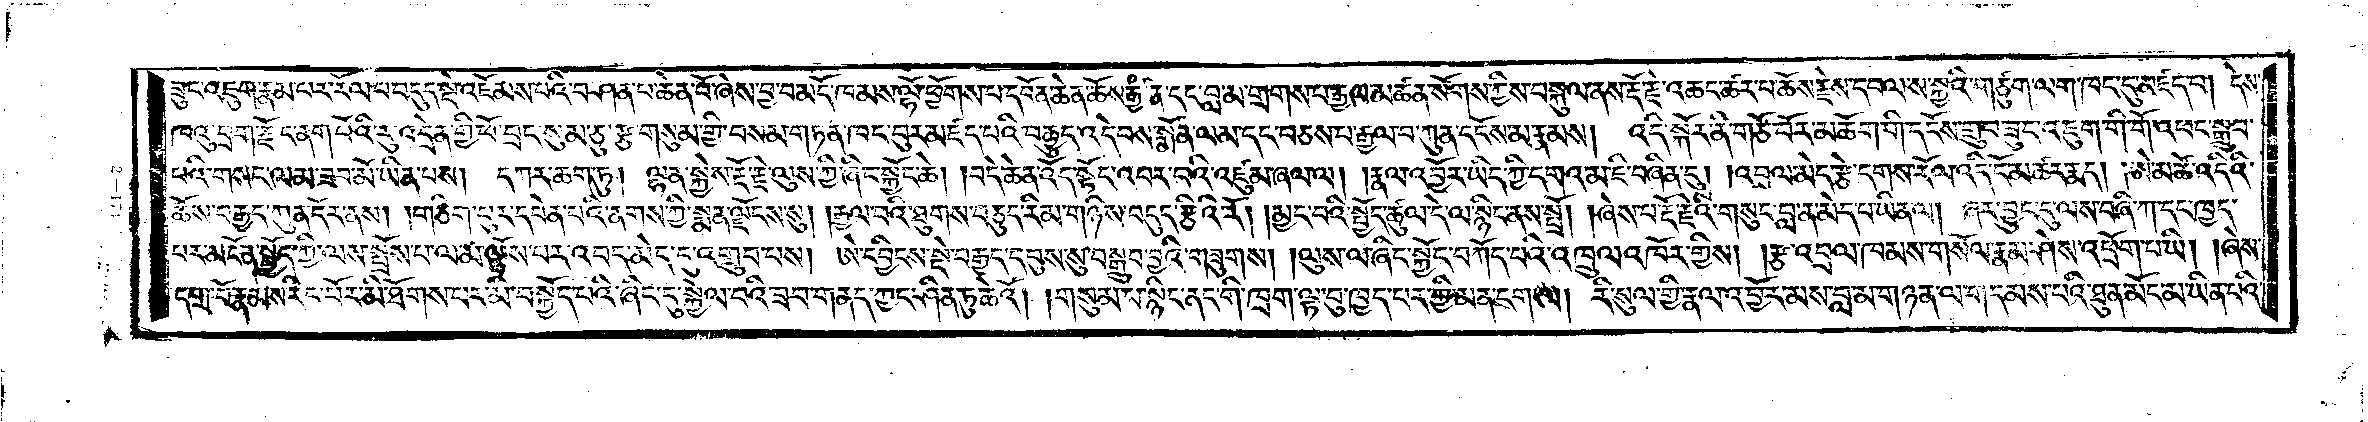ཟུང་འཇུག་རྣམ་པར་རོལ་བ་བདུད་སྡེ་འཇོམས་པའི་བཤན་པ་ཆེན་བོ་ཞེས་བྱ་བ་མདོ་ཁམས་ལྷོ་ཕྱོགས་པ་དཔོན་ཆེན་ཆོས་རྒྱཾ་ནི་དང་བླ་མ་གྲགས་པ་རྒྱལ་མཚན་སོགས་ཀྱིས་བསྐུལ་ནས་རྡོ་རྗེ་འཆང་ཚར་བ་ཆོས་རྗེས་དཔལ་ས་སྐྱའི་གཙུག་ལག་ཁང་དུ་མཛད་པ། དེས་
ཁའུ་བྲག་རྫོང་ནག་པོའི་རུ་འདྲེན་གྱི་ཕོ་བྲང་སུམ་ཅུ་རྩ་གསུམ་གྱི་བསམ་གཏན་ཁང་བུར་མཛད་པའི་བརྒྱུད་འདེབས་སྨོན་ལམ་དང་བཅས་པ་རྒྱལ་བ་ཀུན་དངོས་མ་རྣམས། འདི་སྐོར་ནི་གཙོ་བོར་མཆོག་གི་དངོས་གྲུབ་ཟུང་འཇུག་གི་གོ་འཕང་སྒྲུབ་
པའི་གསང་ལམ་ཟབ་མོ་ཡིན་པས། དཀར་ཆག་ཏུ། ལྷན་སྐྱེས་རྡོ་རྗེ་ལུས་ཀྱི་ཞིང་སྐྱོང་ཆེ། །བདེ་ཆེན་འོད་སྟོང་འབར་བའི་འཛུམ་ཞལ་ལ། །རྣལ་འབྱོར་ཡིད་ཀྱི་དགའ་མ་ཇི་བཞིན་དུ། །འབྲལ་མེད་རྩེ་དགས་རོལ་འདི་ངོ་མཚར་རྨད། །ཨེ་མ་ཚེ་འདིའི་
ཆོས་བརྒྱད་ཀུན་དོར་ནས། །གཅིག་པུར་དབེན་པའི་ནགས་ཀྱི་སྨན་ལྗོངས་སུ། །རྒྱལ་བའི་ཐུགས་བཅུད་རིམ་གཉིས་བདུད་རྩིའི་རོ། །མྱང་བའི་སྤྱོད་ཚུལ་དེ་ལ་སྙིང་ནས་སྤྲོ། །ཞེས་པ་རྡོ་རྗེའི་གསུང་བླ་ན་མེད་པ་ཡིན་ལ། ཞར་བྱུང་དུ་ལས་བཞི་ཀ་དང་ཁྱད་
པར་མངོན་སྤྱོད་ཀྱི་ལས་སྤྲོས་པ་ལམ་ལྟོས་པར་འབད་མེད་དུ་འགྲུབ་པས། ཨེ་དབྱིངས་སྡེ་བརྒྱུད་དབུས་སུ་བསྒྲུབ་བྱའི་གཟུགས། །ལུས་ལ་ཞིང་སྐྱོང་བཀོད་པའི་འཁྲུལ་འཁོར་གྱིས། །རྩ་འབྲལ་ཁམས་གསོལ་རྣམ་ཤེས་འཕྲོག་པ་ཡི། །ཞེས་
དགྲ་པོ་རྣམས་རིང་པོར་མི་ཐོགས་པར་མི་བསྐྱོད་པའི་ཞིང་དུ་སྐྱེལ་བའི་ཟབ་གནད་ཀྱང་ཤིན་ཏུ་ཆེའོ། །གསུམ་པ་སྙིང་ནང་གི་ཁྲག་ལྟ་བུ་ཁྱད་པར་གྱི་མན་ངག་ལ། རི་སུལ་གྱི་རྣལ་འབྱོར་མས་བླ་མ་གཉན་ལ་གདམས་པའི་ཐུན་མོང་མ་ཡིན་པའི་